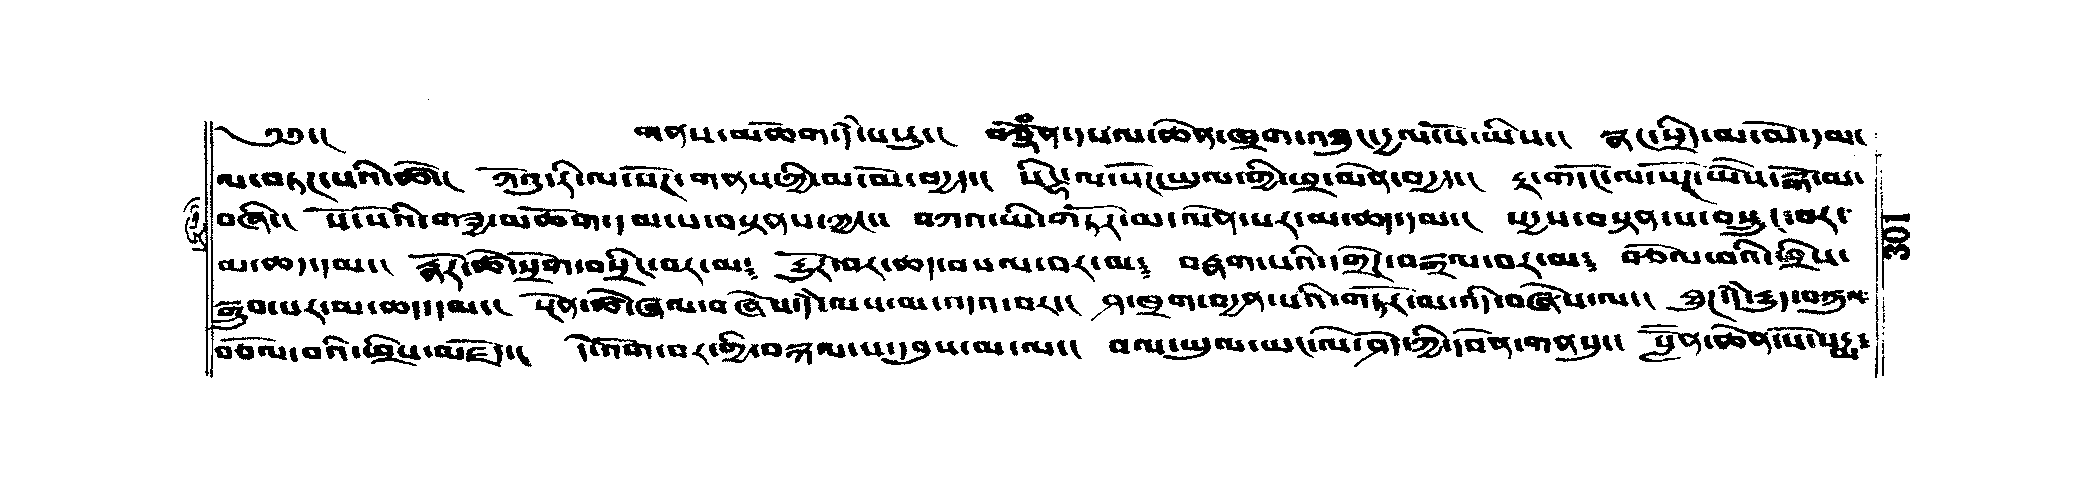གནས་མཆོག་དམ་པ་རུ། །བཅོམ་ལྡན་དཔལ་ཆེན་ཁྲག་འཐུང་རྒྱལ་པོ་ཡིས། །སྣང་སྲིད་མ་མོ་དམ་
ལ་བཏགས་པའི་ཚེ། །ཀོའུ་རི་ལ་སོགས་གནས་ཀྱི་མ་མོ་བརྒྱད། །སིངྷ་ལ་སོགས་ཡུལ་གྱི་ཕྲ་མེན་བརྒྱད། །རྟ་གདོང་ལ་སོགས་ཡེ་ཤེས་སྒོ་མ་
བཞི། །སོ་སོའི་གཟུགས་མཆོག་དམ་པ་བསྟན་ནས་ཀྱང་། །བཀའ་ཡི་གཏོར་མ་ལེན་་པར་མ་ཆད་དམ། །སངས་རྒྱས་བསྟན་པ་བསྲུང་བར་
མ་ཆད་དམ། །རྣལ་འབྱོར་ཚེ་སྲོག་བསྲིང་བར་མ་༴ རྒྱུ་སྦྱོར་བར་ཆད་བསལ་བར་མ་༴ བརྣག་པའི་དགྲ་བགེགས་བསྒྲལ་བར་མ་༴ བཅོལ་བའི་ཕྲིན་ལས་
སྒྲུབ་པར་མ་ཆད་དམ། །སྔོན་ཚེ་ཞལ་བཞེས་དམ་ལས་མ་འདའ་བར། །ཤ་ཁྲག་བརྒྱན་པའི་གཏོར་མ་འདི་བཞེས་ལ། །ཐུགས་དམ་རྒྱུད་བསྐུལ་
བཅོལ་བའི་ཕྲིན་ལས་མཛོད། །དེ་འོག་བར་གྱི་བསྐལ་པ་དབུས་མ་ལ། །བལ་ཡུལ་ཡང་ལེ་ཤོད་ཀྱི་དབེན་གནས་སུ། །སློབ་དཔོན་ཆེན་པོ་པདྨ་